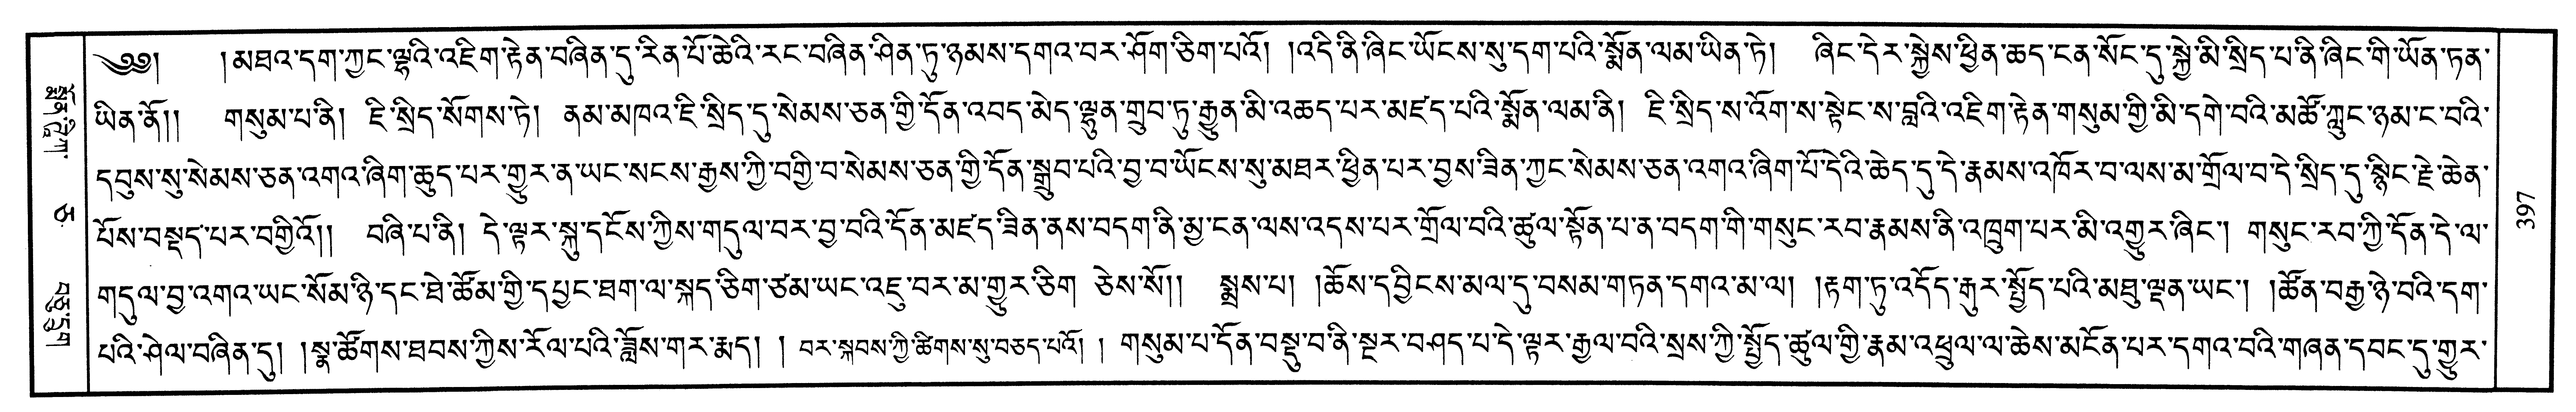༄༅། །མཐའ་དག་ཀྱང་ལྷའི་འཇིག་རྟེན་བཞིན་དུ་རིན་པོ་ཆེའི་རང་བཞིན་ཤིན་ཏུ་ཉམས་དགའ་བར་ཤོག་ཅིག་པའོ། །འདི་ནི་ཞིང་ཡོངས་སུ་དག་པའི་སྨོན་ལམ་ཡིན་ཏེ། ཞིང་དེར་སྐྱེས་ཕྱིན་ཆད་ངན་སོང་དུ་སྐྱེ་མི་སྲིད་པ་ནི་ཞིང་གི་ཡོན་ཏན་
ཡིན་ནོ།། གསུམ་པ་ནི། ཇི་སྲིད་སོགས་ཏེ། ནམ་མཁའ་ཇི་སྲིད་དུ་སེམས་ཅན་གྱི་དོན་འབད་མེད་ལྷུན་གྲུབ་ཏུ་རྒྱུན་མི་འཆད་པར་མཛད་པའི་སྨོན་ལམ་ནི། ཇི་སྲིད་ས་འོག་ས་སྟེང་ས་བླའི་འཇིག་རྟེན་གསུམ་གྱི་མི་དགེ་བའི་མཚོ་ཀླུང་ཉམ་ང་བའི་
དབུས་སུ་སེམས་ཅན་འགའ་ཞིག་ཆུད་པར་གྱུར་ན་ཡང་སངས་རྒྱས་ཀྱི་བགྱི་བ་སེམས་ཅན་གྱི་དོན་སྒྲུབ་པའི་བྱ་བ་ཡོངས་སུ་མཐར་ཕྱིན་པར་བྱས་ཟིན་ཀྱང་སེམས་ཅན་འགའ་ཞིག་པོ་དེའི་ཆེད་དུ་དེ་རྣམས་འཁོར་བ་ལས་མ་གྲོལ་བ་དེ་སྲིད་དུ་སྙིང་རྗེ་ཆེན་
པོས་བསྡད་པར་བགྱིའོ།། བཞི་པ་ནི། དེ་ལྟར་སྐུ་དངོས་ཀྱིས་གདུལ་བར་བྱ་བའི་དོན་མཛད་ཟིན་ནས་བདག་ནི་མྱ་ངན་ལས་འདས་པར་གྲོལ་བའི་ཚུལ་སྟོན་པ་ན་བདག་གི་གསུང་རབ་རྣམས་ནི་འཁྲུག་པར་མི་འགྱུར་ཞིང་། གསུང་རབ་ཀྱི་དོན་དེ་ལ་
གདུལ་བྱ་འགའ་ཡང་སོམ་ཉི་དང་ཐེ་ཚོམ་གྱི་དཔྱང་ཐག་ལ་སྐད་ཅིག་ཙམ་ཡང་འཇུ་བར་མ་གྱུར་ཅིག་ཅེས་སོ།། སྨྲས་པ། །ཆོས་དབྱིངས་མལ་དུ་བསམ་གཏན་དགའ་མ་ལ། །རྟག་ཏུ་འདོད་རྒུར་སྤྱོད་པའི་མཐུ་ལྡན་ཡང་། །ཚོན་བརྒྱ་ཉེ་བའི་དག་
པའི་ཤེས་བཞིན་དུ། །སྣ་ཚོགས་ཐབས་ཀྱིས་རོལ་པའི་ཟློས་གར་རྨད། །བར་སྐབས་ཀྱི་ཚིགས་སུ་བཅད་པའོ། །གསུམ་པ་དོན་བསྡུ་བ་ནི་སྔར་བཤད་པ་དེ་ལྟར་རྒྱལ་བའི་སྲས་ཀྱི་སྤྱོད་ཚུལ་གྱི་རྣམ་འཕྲུལ་ལ་ཆེས་མངོན་པར་དགའ་བའི་གཞན་དབང་དུ་གྱུར་